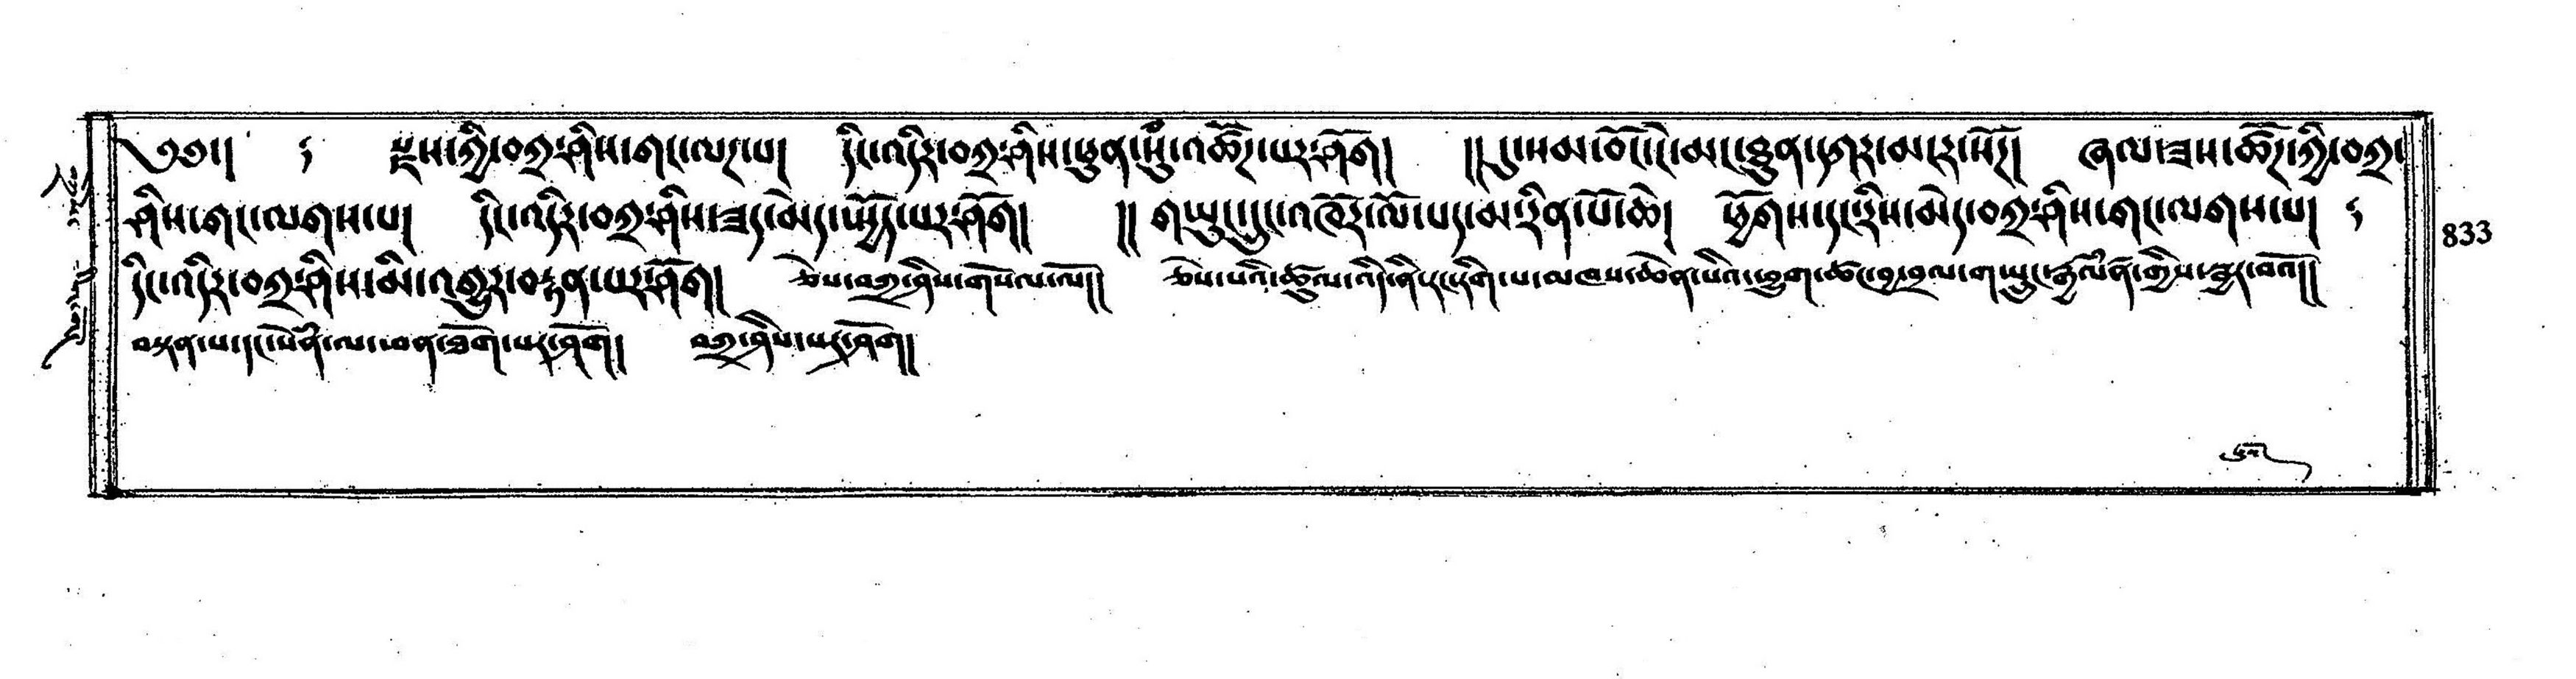རྫས་ཀྱི་བཀྲ་ཤིས་གང་ལགས་པ། དིང་འདིར་བཀྲ་ཤིས་ཕུན་སུམ་འཚོགས་པར་ཤོག །།དུ་སམ་བོང་ངེ་མང་ཐུན་དཀར་མངར་སོགས། ཞལ་ཟས་ཚོགས་ཀྱི་བཀྲ་
ཤིས་གང་ལགས་པ། དིང་འདིར་བཀྲ་ཤིས་ཟད་མེད་སྤྱོད་པར་ཤོག །།གཡུང་དྲུང་འཁོར་ལོ་པད་མ་རིན་པོ་ཆེ། ཕྱོགས་དང་རིས་མེད་བཀྲ་ཤིས་གང་ལགས་པ།
དིང་འདིར་བཀྲ་ཤིས་མི་འགྱུར་བརྟན་པར་ཤོག ཅེས་བཀྲ་ཤིས་གསོལ་ལོ།། ཅེས་པའི་ཚུལ་འདི་ནི་རང་རིག་པ་མཁས་ཆེན་པའི་ཕྱུག་ཚང་བྱ་བྲལ་གཡུང་དྲུང་རྒྱལ་མཚན་གྱིས་སྦྱར་བའོ།། 
བསྟན་པ་དང་སེམས་ཅན་ལ་ཕན་ཐོག་པར་ཤོག བཀྲ་ཤིས་པར་ཤོག །